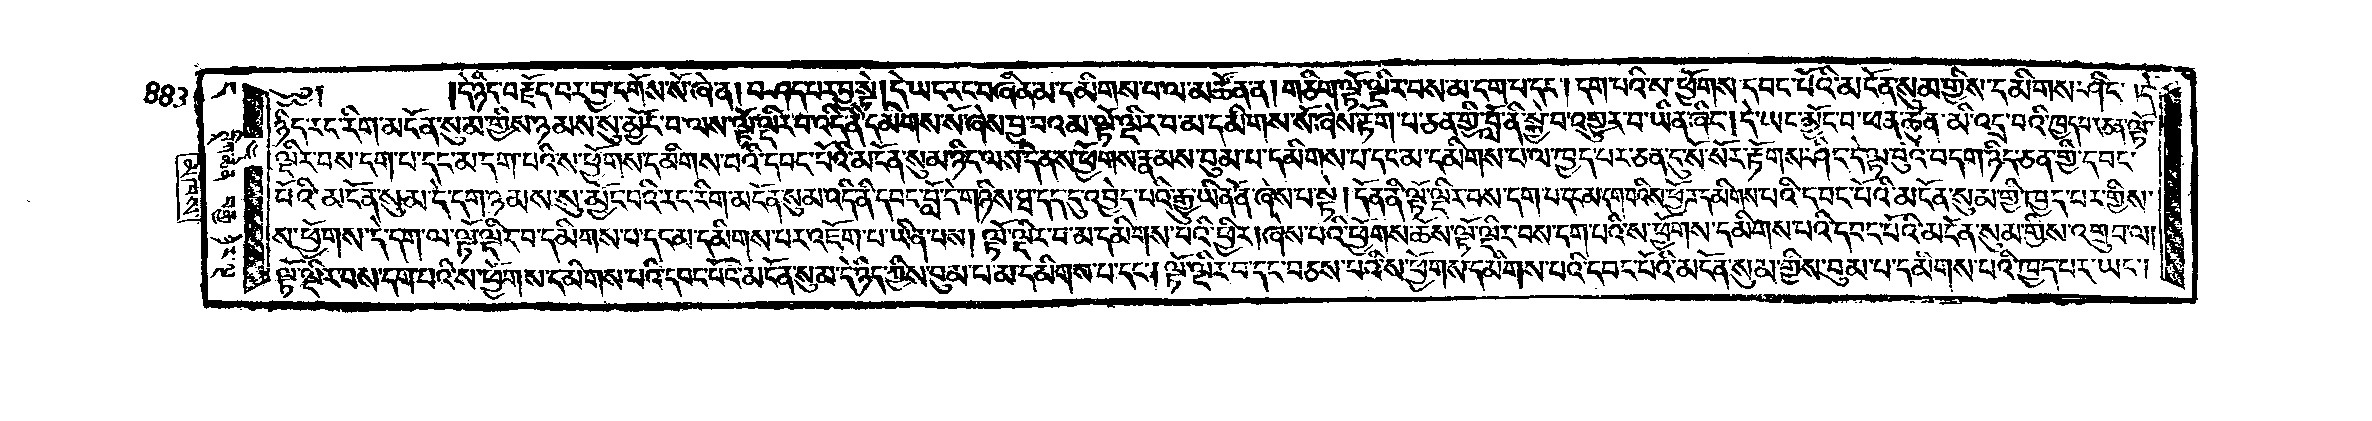༄༅། །དེ་ཉིད་བརྗོད་པར་བྱ་དགོས་སོ་ཞེ་ན། བཤད་པར་བྱ་སྟེ། དེ་ཡང་རང་བཞིན་མ་དམིགས་པ་ལ་མཚོན་ན། གཅིག་ལྟོ་ལྡིར་བས་མ་དག་པས་དང་། དག་པའི་ས་ཕྱོགས་དབང་པོའི་མངོན་སུམ་གྱིས་དམིགས་ཤིང་། དེ་
ཉིད་རང་རིག་མངོན་སུམ་གྱིས་ཉམས་སུ་མྱོང་བ་ལས་ལྟོ་ལྡིར་བ་འདི་ནི་དམིགས་སོ་ཞེས་བྱ་བའམ་ལྟོ་ལྡིར་བ་མ་དམིགས་སོ་ཞེས་རྟོག་པ་ཅན་གྱི་བློ་ནི་སྐྱེ་བ་འགྱུར་བ་ཡིན་ཞིང་། དེ་ཡང་མྱོང་བ་ཕན་ཚུན་མི་འདྲ་བའི་ཁྱད་པར་ཅན་ལྟོ་
ལྡིར་བས་དག་པ་དང་མ་དག་པའི་ས་ཕྱོགས་དམིགས་པའི་དབང་པོའི་མངོན་སུམ་ཉིད་ལས་དེ་ནས་ས་ཕྱོགས་རྣམས་བུམ་པ་དམིགས་པ་དང་མ་དམིགས་པ་ལ་ཁྱད་པར་ཅན་དུ་སོ་སོར་རྟོགས་ཤིང་དེ་ལྟ་བུའི་བདག་ཉིད་ཅན་གྱི་དབང་
པོའི་མངོན་སུམ་དེ་དག་ཉམས་སུ་མྱོང་བའི་རང་རིག་མངོན་སུམ་འདི་ནི་དབང་བློ་དེ་གཉིས་ཐ་དད་དུ་འབྱེད་པའི་རྒྱུ་ཡིན་ནོ་ཞེས་པ་སྟེ། དོན་ནི་ལྟོ་ལྡིར་བས་དག་པ་དང་མ་དག་བའི་ས་ཕྱོགས་དམིགས་པའི་དབང་པོའི་མངོན་སུམ་གྱི་ཁྱད་པར་གྱིས་
ས་ཕྱོགས་དེ་དག་ལ་ལྟོ་ལྡིར་བ་དམིགས་པ་དང་མ་དམིགས་པར་འཇོག་པ་ཡིན་པས། ལྟོ་ལྡིར་བ་མ་དམིགས་པའི་ཕྱིར། ཞེས་པའི་ཕྱོགས་ཆོས་ལྟོ་ལྡིར་བས་དག་པའི་ས་ཕྱོགས་དམིགས་པའི་དབང་པོའི་མངོན་སུམ་གྱིས་འགྲུབ་ལ།
ལྟོ་ལྡིར་བས་དག་པའི་ས་ཕྱོགས་དམིགས་པའི་དབང་པོའི་མངོན་སུམ་དེ་ཉིད་ཀྱིས་བུམ་པ་མ་དམིགས་པ་དང་། ལྟོ་ལྡིར་བ་དང་བཅས་པའི་ས་ཕྱོགས་དམིགས་པའི་དབང་པོའི་མངོན་སུམ་གྱིས་བུམ་པ་དམིགས་པའི་ཁྱད་པར་ཡང་།